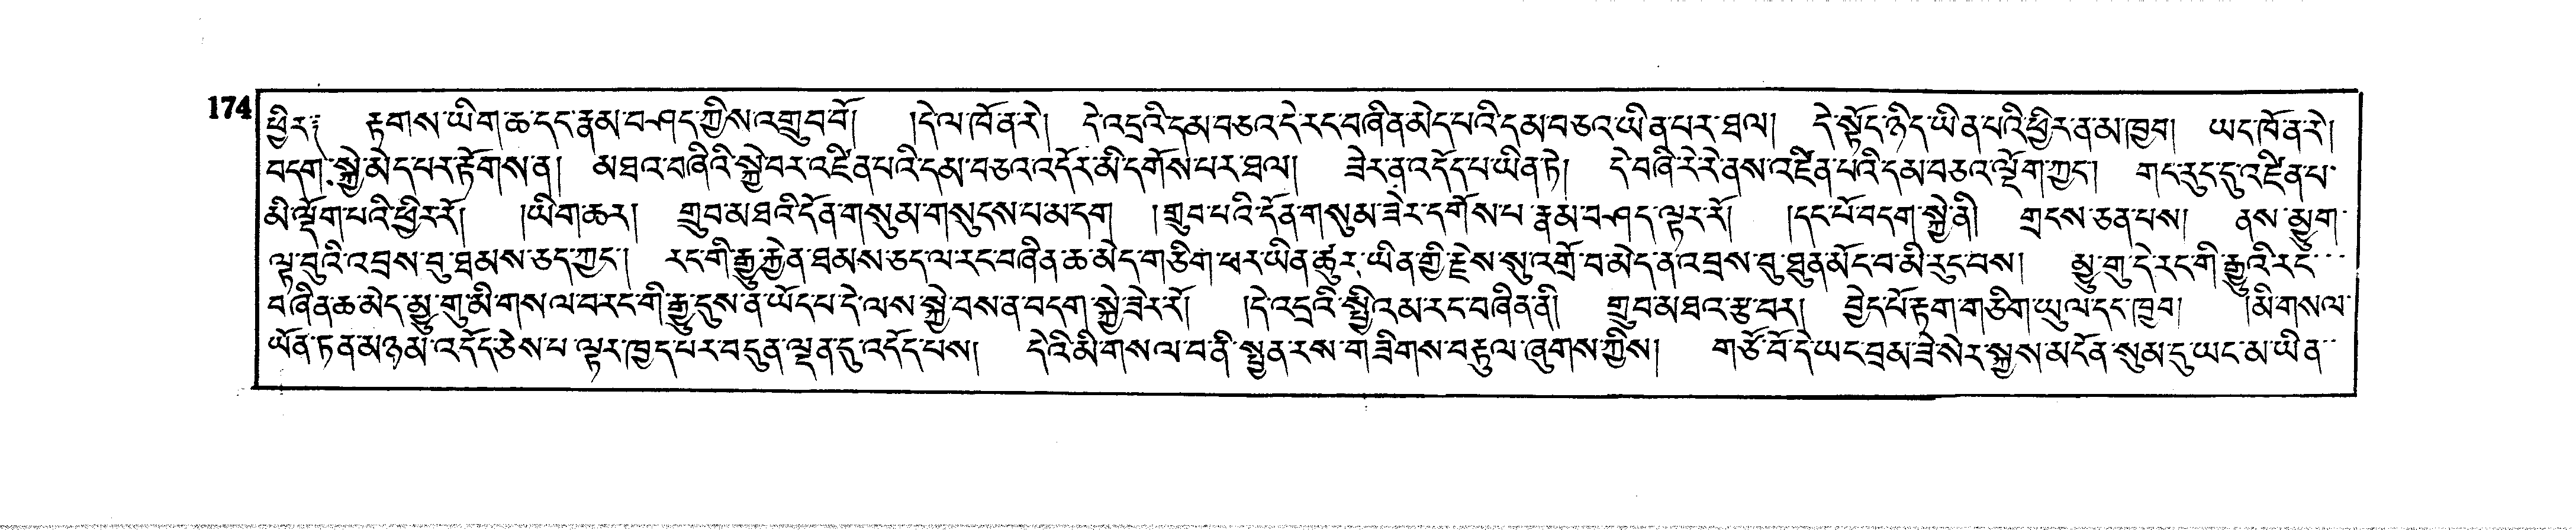ཕྱིར། རྟགས་ཡིག་ཆ་དང་རྣམ་བཤད་ཀྱིས་འགྲུབ་བོ། །དེ་ལ་ཁོ་ན་རེ། དེ་འདྲའི་དམ་བཅའ་དེ་རང་བཞིན་མེད་པའི་དམ་བཅའ་ཡིན་པར་ཐལ། དེ་སྟོང་ཉིད་ཡིན་པའི་ཕྱིར་ན་མ་ཁྱབ། ཡང་ཁོ་ན་རེ།
བདག་སྐྱེ་མེད་པར་རྟོགས་ན། མཐའ་བཞིའི་སྐྱེ་བར་འཛིན་པའི་དམ་བཅའ་འདོར་མི་དགོས་པར་ཐལ། ཟེར་ན་འདོད་པ་ཡིན་ཏེ། དེ་བཞི་རེ་རེ་ནས་འཛིན་པའི་དམ་བཅའ་ལྡོག་ཀྱང་། གང་རུང་དུ་འཛིན་པ་
མི་ལྡོག་པའི་ཕྱིར་རོ། །ཡིག་ཆར། གྲུབ་མཐའི་དོན་གསུམ་གསུངས་པ་མ་དག། །གྲུབ་པའི་དོན་གསུམ་ཟེར་དགོས་པ་རྣམ་བཤད་ལྟར་རོ། །དང་པོ་བདག་སྐྱེ་ནི། གྲངས་ཅན་པས། ནས་མྱུག་
ལྟ་བུའི་འབྲས་བུ་ཐམས་ཅད་ཀྱང་། རང་གི་རྒྱུ་རྐྱེན་ཐམས་ཅད་ལ་རང་བཞིན་ཆ་མེད་གཅིག་ཕར་ཡིན་ཚུར་ཡིན་གྱི་རྗེས་སུ་འགྲོ་བ་མེད་ན་འབྲས་བུ་ཐུན་མོང་བ་མི་རུང་བས། མྱུ་གུ་དེ་རང་གི་རྒྱུའི་རང་
བཞིན་ཆ་མེད་མྱུ་གུ་མི་གསལ་བ་རང་གི་རྒྱུ་དུས་ན་ཡོད་པ་དེ་ལས་སྐྱེ་བས་ན་བདག་སྐྱེ་ཟེར་རོ། །དེ་འདྲའི་སྤྱིའམ་རང་བཞིན་ནི། གྲུབ་མཐའ་རྩ་བར། བྱེད་པོ་རྟག་གཅིག་ཡུལ་དང་ཁྱབ། །མི་གསལ་
ཡོན་ཏན་མཉམ་འདོད་ཅེས་པ་ལྟར་ཁྱད་པར་བདུན་ལྡན་དུ་འདོད་པས། དེའི་མི་གསལ་བ་ནི་སྤྱན་རས་གཟིགས་བརྟུལ་ཞུགས་ཀྱིས། གཙོ་བོ་དེ་ཡང་བྲམ་ཟེ་སེར་སྐྱས་མངོན་སུམ་དུ་ཡང་མ་ཡིན་